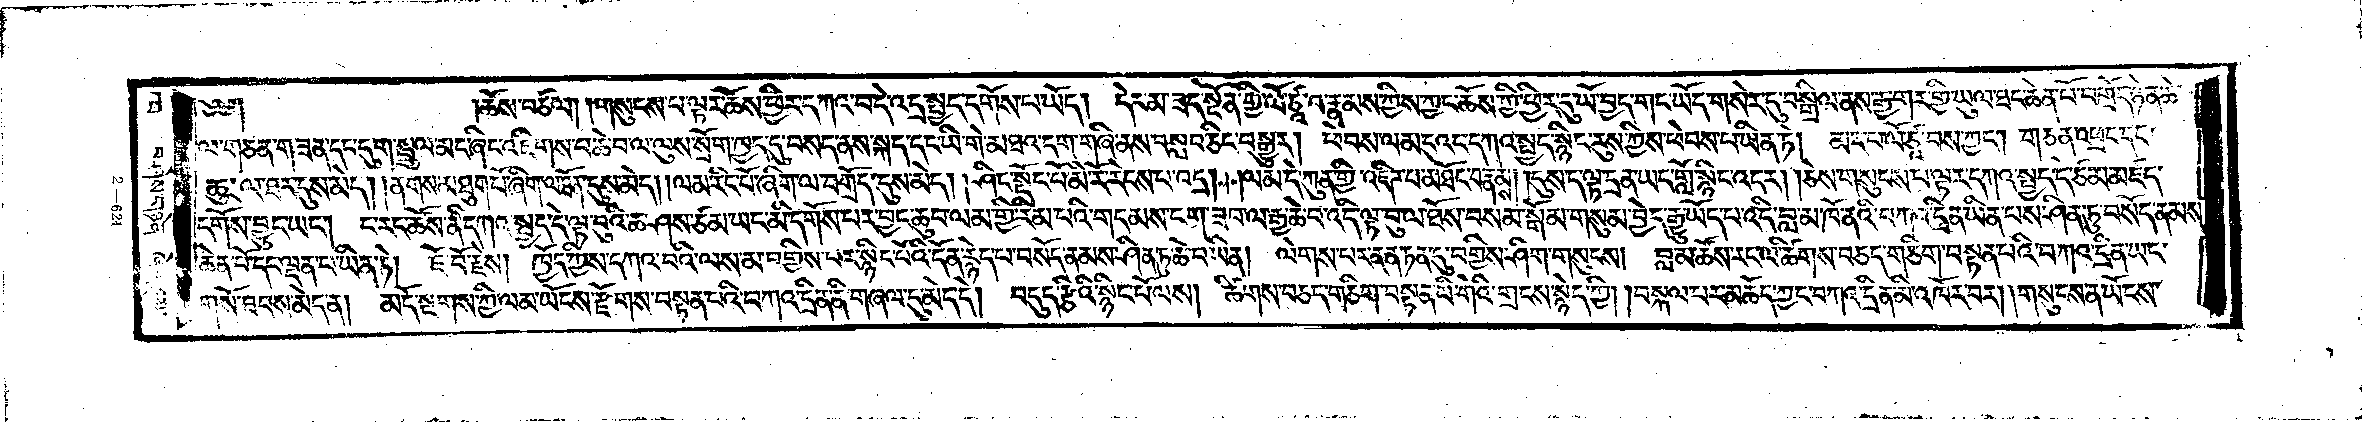༄༅། །ཆོས་བཙལ། །གསུངས་པ་ལྟར་ཆོས་ཕྱིར་དཀའ་བདེ་འདྲ་སྤྱོད་དགོས་པ་ཡོད། དེར་མ་ཟད་སྔོན་གྱི་ལོ་ཙཱ་བ་རྣམས་ཀྱིས་ཀྱང་ཆོས་ཀྱི་ཕྱིར་དུ་ཡོ་བྱད་གང་ཡོད་གསེར་དུ་བསྒྲིལ་ནས་རྒྱ་གར་གྱི་ཡུལ་ཐང་ཆེན་པོ་བགྲོད་ཉིན་ཆེ་
ལ་གཅན་གཟན་དང་དུག་སྤྲུལ་མང་ཞིང་འཇིགས་པ་ཆེ་བ་ལ་ལུས་སྲོག་ཁྱད་དུ་བསད་ནས་སྐད་དང་ཡི་གེ་མཐའ་དག་གཞི་ནས་བསླབ་ཅིང་བསྒྱུར། ཕེབས་ལམ་དུའང་དཀའ་སྤྱད་སྙིང་རུས་ཀྱིས་ཕེབས་པ་ཡིན་ཏེ། མར་པ་ལོ་ཙཱ་བས་ཀྱང་། གཅན་འཕྲང་དང་
ཆུ་ལ་ཐར་དུས་མེད། །ནགས་མཐུག་པོ་ཞིག་ལ་ཐོན་དུས་མེད། །ལམ་རིང་པོ་ཞིག་ལ་བགྲོད་དུས་མེད། །ཤིང་སྡོང་པོ་མི་རོ་རེངས་པ་འདྲ། །ལམ་དེ་ཀུན་གྱི་འཇིཌ་པ་མཐོང་བ་རྣམས། །དུས་ད་ལྟ་དྲན་ཡང་གློ་སྙིང་འདྲ། །ཅེས་གསུངས་པ་ལྟར་དཀའ་སྤྱད་དེ་ཙམ་མཛད་
དགོས་བྱུང་ཡང་། ང་རང་ཚོས་ནི་དཀའ་སྤྱད་དེ་ལྟ་བུའི་ཆ་ཤས་ཙམ་ཡང་མི་དགོས་པར་བྱང་ཆུབ་ལམ་གྱི་རིམ་པའི་གདམས་ངག་ཟབ་ལ་རྒྱ་ཆེ་བ་འདི་ལྟ་བུ་ལ་ཐོས་བསམ་སྒོམ་གསུམ་བྱེད་རྒྱུ་ཡོད་པ་འདི་བླ་མ་ཁོ་ནའི་བཀའ་དྲིན་ཡིན་པས་ཤིན་ཏུ་བསོད་ནམས་
ཆེན་པོ་དང་ལྡན་པ་ཡིན་ཏེ། ཇོ་བོ་རྗེས། ཁྱོད་ཀྱིས་དཀའ་བའི་ལས་མ་བགྱིས་པར་སྙིང་པོའི་དོན་རྙེད་པ་བསོད་ནམས་ཤིན་ཏུ་ཆེ་བ་ཡིན། ལེགས་པར་ནན་ཏན་དུ་བགྱིས་ཤིག་གསུངས། བླ་མ་ཚོས་རང་ལ་ཚིགས་བཅད་གཅིག་བསྟན་པའི་བཀའ་དྲིན་ཡང་
གསོ་ཐབས་མེད་ན། མདོ་སྔགས་ཀྱི་ལམ་ཡོངས་རྫོགས་བསྟན་པའི་བཀའ་དྲིན་ནི་གཞལ་དུ་མེད་དེ། བདུད་རྩིའི་སྙིང་པོ་ལས། ཚིགས་བཅད་གཅིག་བསྟན་པི་གེའི་གྲངས་སྙེད་ཀྱི། །བསྐལ་པར་མཆོད་ཀྱང་བཀའ་དྲིན་མི་འཁོར་བར། །གསུངས་ན་ཡོངས་